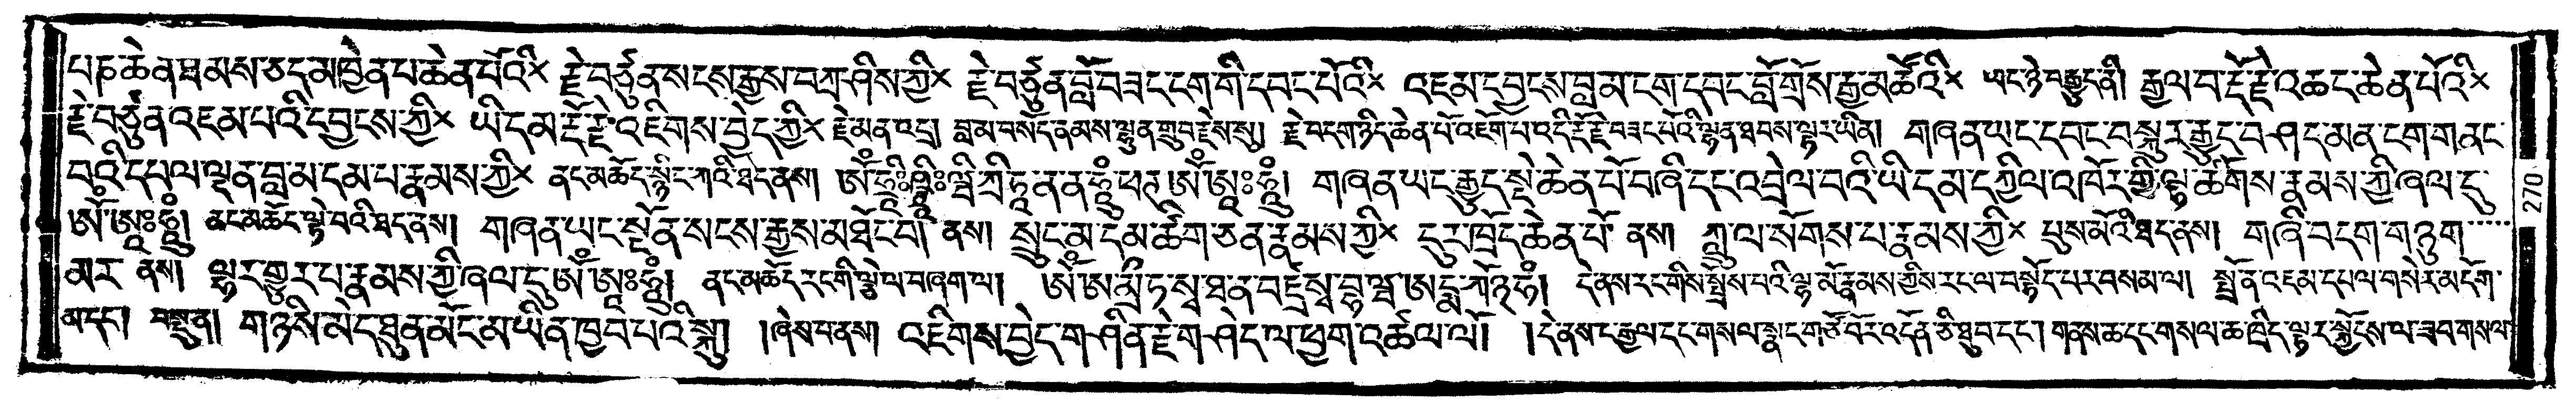པཎ་ཆེན་ཐམས་ཅད་མཁྱེན་པ་ཆེན་པོའི་྾་རྗེ་བཙུན་སངས་རྒྱས་བཀྲ་ཤིས་ཀྱི་྾་རྗེ་བཙུན་བློ་བཟང་ངག་གི་དབང་པོའི་྾་འཇམ་དབྱངས་བླ་མ་ངག་དབང་བློ་གྲོས་རྒྱ་མཚོའི་྾་ཡང་ཉེ་བརྒྱུད་ནི། རྒྱལ་བ་རྡོ་རྗེ་འཆང་ཆེན་པོའི་྾་
རྗེ་བཙུན་འཇམ་པའི་དབྱངས་ཀྱི་྾་ཡི་དམ་རྡོ་རྗེ་འཇིགས་བྱེད་ཀྱི་྾་རྗེ་མན་འདྲ། བླ་མ་བསོད་ནམས་ལྷུན་གྲུབ་རྗེས་སུ། རྗེ་བདག་ཉིད་ཆེན་པོ་འཇོག་པ་འདི་རྡོ་རྗེ་བཟང་པོའི་ལྷན་ཐབས་ལྟར་ཡིན། གཞན་ཡང་དབང་བསྐུར་རྒྱུད་བཤད་མན་ངག་གནང་
བའི་དཔལ་ལྡན་བླ་མ་དམ་པ་རྣམས་ཀྱི་྾་ནང་མཆོད་སྙིང་ཀའི་ཐད་ནས། ཨོཾ་ཧྲཱིཿཥྚྲཱིཿཝི་ཀྲི་ཏཱ་ན་ན་ཧཱུཾ་ཕཊ་ཨོཾ་ཨཱཿཧཱུཾ། གཞན་ཡང་རྒྱུད་སྡེ་ཆེན་པོ་བཞི་དང་འབྲེལ་བའི་ཡི་དམ་དཀྱིལ་འཁོར་གྱི་ལྷ་ཚོགས་རྣམས་ཀྱི་ཞལ་དུ་
ཨོཾ་ཨཱཿཧཱུཾ། ནང་མཆོད་ལྟེ་བའི་ཐད་ནས། གཞན་ཡང་སྔོན་སངས་རྒྱས་མཐོང་བ། ནས། སྲུང་མ་དམ་ཚིག་ཅན་རྣམས་ཀྱི་྾་དུར་ཁྲོད་ཆེན་པོ་ནས། ཀླུ་ལ་སོགས་པ་རྣམས་ཀྱི་྾་པུས་མོའི་ཐད་ནས། གཞི་བདག་གཉུག་
མར་ནས། ལྷར་གྱུར་པ་རྣམས་ཀྱི་ཞལ་དུ་ཨོཾ་ཨཱཿཧཱུཾ། ནང་མཆོད་རང་གི་ལྕེ་ལ་བཞག་ལ། ཨོཾ་ཨ་མྲྀ་ཏ་སྭ་ཐ་ན་བཛྲ་སྭ་བྷ་ཝ་ཨདམ་ཀོཉཧཾ། དེ་ནས་རང་གིས་སྤྲོས་པའི་ལྷ་མོ་རྣམས་ཀྱིས་རང་ལ་བསྟོད་པར་བསམ་ལ། སྤྲོ་ན་འཇམ་དཔལ་གསེར་མདོག་
མ་དང་། བསྡུ་ན། གཉིས་མེད་ཐུན་མོང་མ་ཡིན་ཁྱབ་པའི་སྐུ། །ཞེས་པ་ནས། འཇིགས་བྱེད་གཤིན་རྗེ་གཤེད་ལ་ཕྱག་འཚལ་ལོ། །དེ་ནས་ང་རྒྱལ་དང་གསལ་སྣང་གཙོ་བོར་འདོན་ཅི་ཐུབ་དང་། གནས་ཆ་དང་གསལ་ཆ་ཁྲིད་ལྟར་སྐྱོངས་ལ་ཟབ་གསལ་